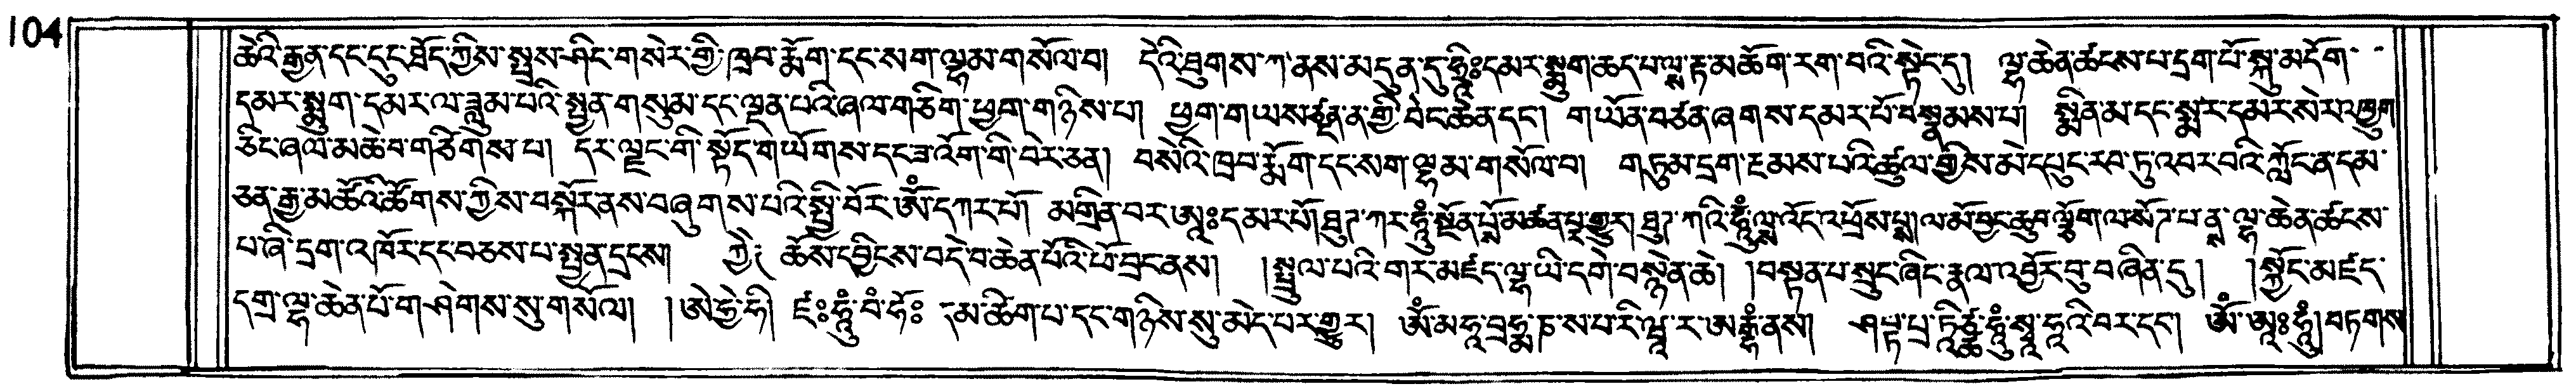ཆེའི་རྒྱན་དང་དུད་ཐོད་ཀྱིས་སྤྲས་ཤིང་གསེར་གྱི་ཁྲབ་རྨོག་དང་སག་ལྷམ་གསོལ་བ། དེའི་ཐུགས་ཀ་ནས་མདུན་དུ་ཧྲཱིཿ དམར་སྨུག་ཆད་པ་ལས་རྟ་མཆོག་རག་བའི་སྟེང་དུ། ལྷ་ཆེན་ཚངས་པ་དྲག་པོ་སྐུ་མདོག་
དམར་སྨུག་དམར་ལ་ཟླུམ་པའི་སྤྱན་གསུམ་དང་ལྡན་པའི་ཞལ་གཅིག་ཕྱག་གཉིས་པ། ཕྱག་གཡས་ཙྡན་ན་གྱི་བེང་ཆེན་དང་། གཡོན་བཙན་ཞགས་དམར་པོ་བསྣམས་པ། སྨིན་མ་དང་སྨར་དམར་སེར་འཁྱུག་
ཅིང་ཞལ་མཆེ་བ་གཙིགས་པ། དར་ལྗང་གི་སྟོད་གཡོགས་དང་ཟ་འོག་གི་བེར་ཅན། བསེའི་ཁྲབ་རྨོག་དང་སག་ལྷམ་གསོལ་བ། གཏུམ་དྲག་རྔམས་པའི་ཚུལ་གྱིས་མེ་དཔུང་རབ་ཏུ་འབར་བའི་ཀློང་ན་དམ་
ཅན་རྒྱ་མཚོའི་ཚོགས་ཀྱིས་བསྐོར་ནས་བཞུགས་པའི་སྤྱི་བོར་ཨོཾ་དཀར་པོ། མགྲིན་བར་ཨཱཿ དམར་པོ། ཐུཌ་ཀར་ཧཱུཾ་སྔོན་པོས་མཚན་པར་གྱུར། ཐུཌ་ཀའི་ཧཱུཾ་ལས་འོད་འཕྲོས་པས། ལ་མོ་བྱང་ཆུབ་ལྕོག་ལ་སོགས་པ་ནས་ལྷ་ཆེན་ཚངས་པ་ཞི་དྲག་འཁོར་དང་བཅས་པ་སྤྱན་དྲངས། ཀྱཻཿ ཆོས་དབྱིངས་བདེ་བ་ཆེན་པོའི་ཕོ་བྲང་ནས། །སྤྲུལ་པའི་གར་མཛད་ལྷ་ཡི་དགེ་བསྙེན་ཆེ། །བསྟན་པ་སྲུང་ཞིང་རྣལ་འབྱོར་བུ་བཞིན་དུ། །སྐྱོང་མཛད་
དགྲ་ལྷ་ཆེན་པོ་གཤེགས་སུ་གསོལ། །ཨེ་ཧྱེ་ཧི། ཛཿ ཧཱུཾ་བཾ་ཧོཿ དམ་ཚིག་པ་དང་གཉིས་སུ་མེད་པར་གྱུར། ཨོཾ་མྷཱ་བྲཧྨ་ཎ་ས་པ་རི་ཝཱ་ར་ཨརྒྷཾ་ནས། ཤ་པྟ་པྲ་ཏཱི་ཙྪ་ཧཱུཾ་སྭཱ་ཧཱའི་བར་དང་། ཨོཾ་ཨཱཿ ཧཱུཾ། བཏགས་